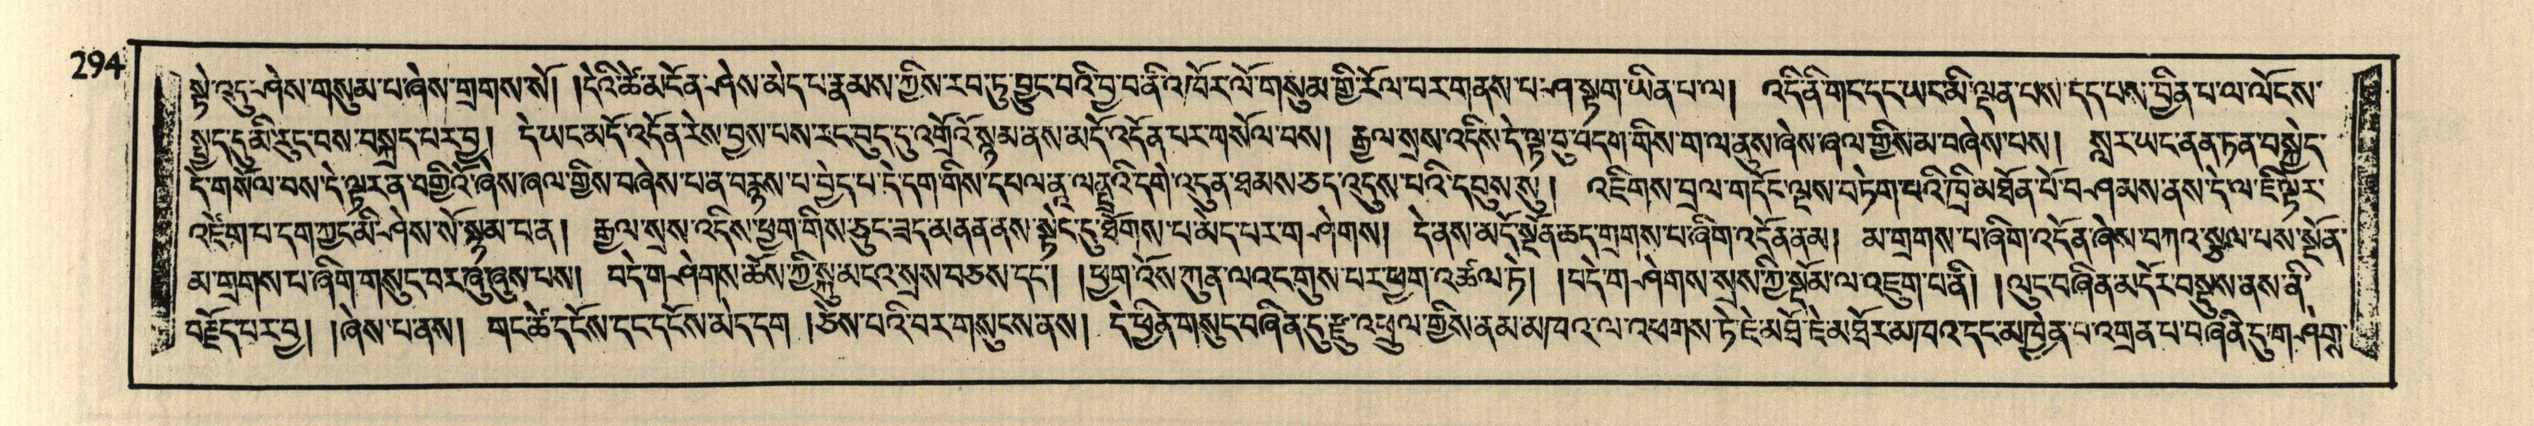སྟེ་འདུ་ཤེས་གསུམ་པ་ཞེས་གྲགས་སོ། །དེའི་ཚེ་མངོན་ཤེས་མེད་པ་རྣམས་ཀྱིས་རབ་ཏུ་བྱུང་བའི་བྱ་བ་ནི་འཁོར་ལོ་གསུམ་གྱི་རོལ་པར་གནས་པ་ཤ་སྟག་ཡིན་པ་ལ། འདི་ནི་གང་དང་ཡང་མི་ལྡན་པས་དད་པས་བྱིན་པ་ལ་ལོངས་
སྤྱད་དུ་མི་རུང་བས་བསྐྲད་པར་བྱ། དེ་ཡང་མདོ་འདོན་རེས་བྱས་པས་རང་བུད་དུ་འགྲོའོ་སྙམ་ནས་མདོ་འདོན་པར་གསོལ་བས། རྒྱལ་སྲས་འདིས་དེ་ལྟ་བུ་བདག་གིས་ག་ལ་ནུས་ཞེས་ཞལ་གྱིས་མ་བཞེས་པས། སླར་ཡང་ནན་ཏན་བསྐྱེད་
དེ་གསོལ་བས་དེ་ལྟར་ན་བགྱིའོ་ཞེས་ཞལ་གྱིས་བཞེས་པ་ན་བརྙས་པ་བྱེད་པ་དེ་དག་གིས་དཔལ་ནཱ་ལནྡྲའི་དགེ་འདུན་ཐམས་ཅད་འདུས་པའི་དབུས་སུ། འཇིགས་བྲལ་གདོང་ལྔས་བཏེག་པའི་ཁྲི་མཐོན་པོ་བཤམས་ནས་དེ་ལ་ཇི་ལྟར་
འཛེག་པ་དག་ཀྱང་མི་ཤེས་སོ་སྙམ་པ་ན། རྒྱལ་སྲས་འདིས་ཕྱག་གིས་ཅུང་ཟད་མནན་ནས་སྟེང་དུ་ཐོགས་པ་མེད་པར་གཤེགས། དེ་ནས་མདོ་སྔོན་ཆད་གྲགས་པ་ཞིག་འདོན་ནམ། མ་གྲགས་པ་ཞིག་འདོན་ཞེས་བཀའ་སྩལ་པས་སྔོན་
མ་གྲགས་པ་ཞིག་གསུང་བར་ཞུ་ཞུས་པས། བདེ་གཤེགས་ཆོས་ཀྱི་སྐུ་མངའ་སྲས་བཅས་དང་། །ཕྱག་འོས་ཀུན་ལའང་གུས་པར་ཕྱག་འཚལ་ཏེ། །བདེ་གཤེགས་སྲས་ཀྱི་སྡོམ་ལ་འཇུག་པ་ནི། །ལུང་བཞིན་མདོར་བསྡུས་ནས་ནི་
བརྗོད་པར་བྱ། །ཞེས་པ་ནས། གང་ཚེ་དངོས་དང་དངོས་མེད་དག །ཅེས་པའི་བར་གསུངས་ནས། དེ་ཕྱིན་གསུངས་བཞིན་དུ་རྫུ་འཕྲུལ་གྱིས་ནམ་མཁའ་ལ་འཕགས་ཏེ་ཇེ་མཐོ་ཇེ་མཐོར་མཁའ་དང་མཁྱེན་པ་འགྲན་པ་བཞིན་དུ་གཤེགས་